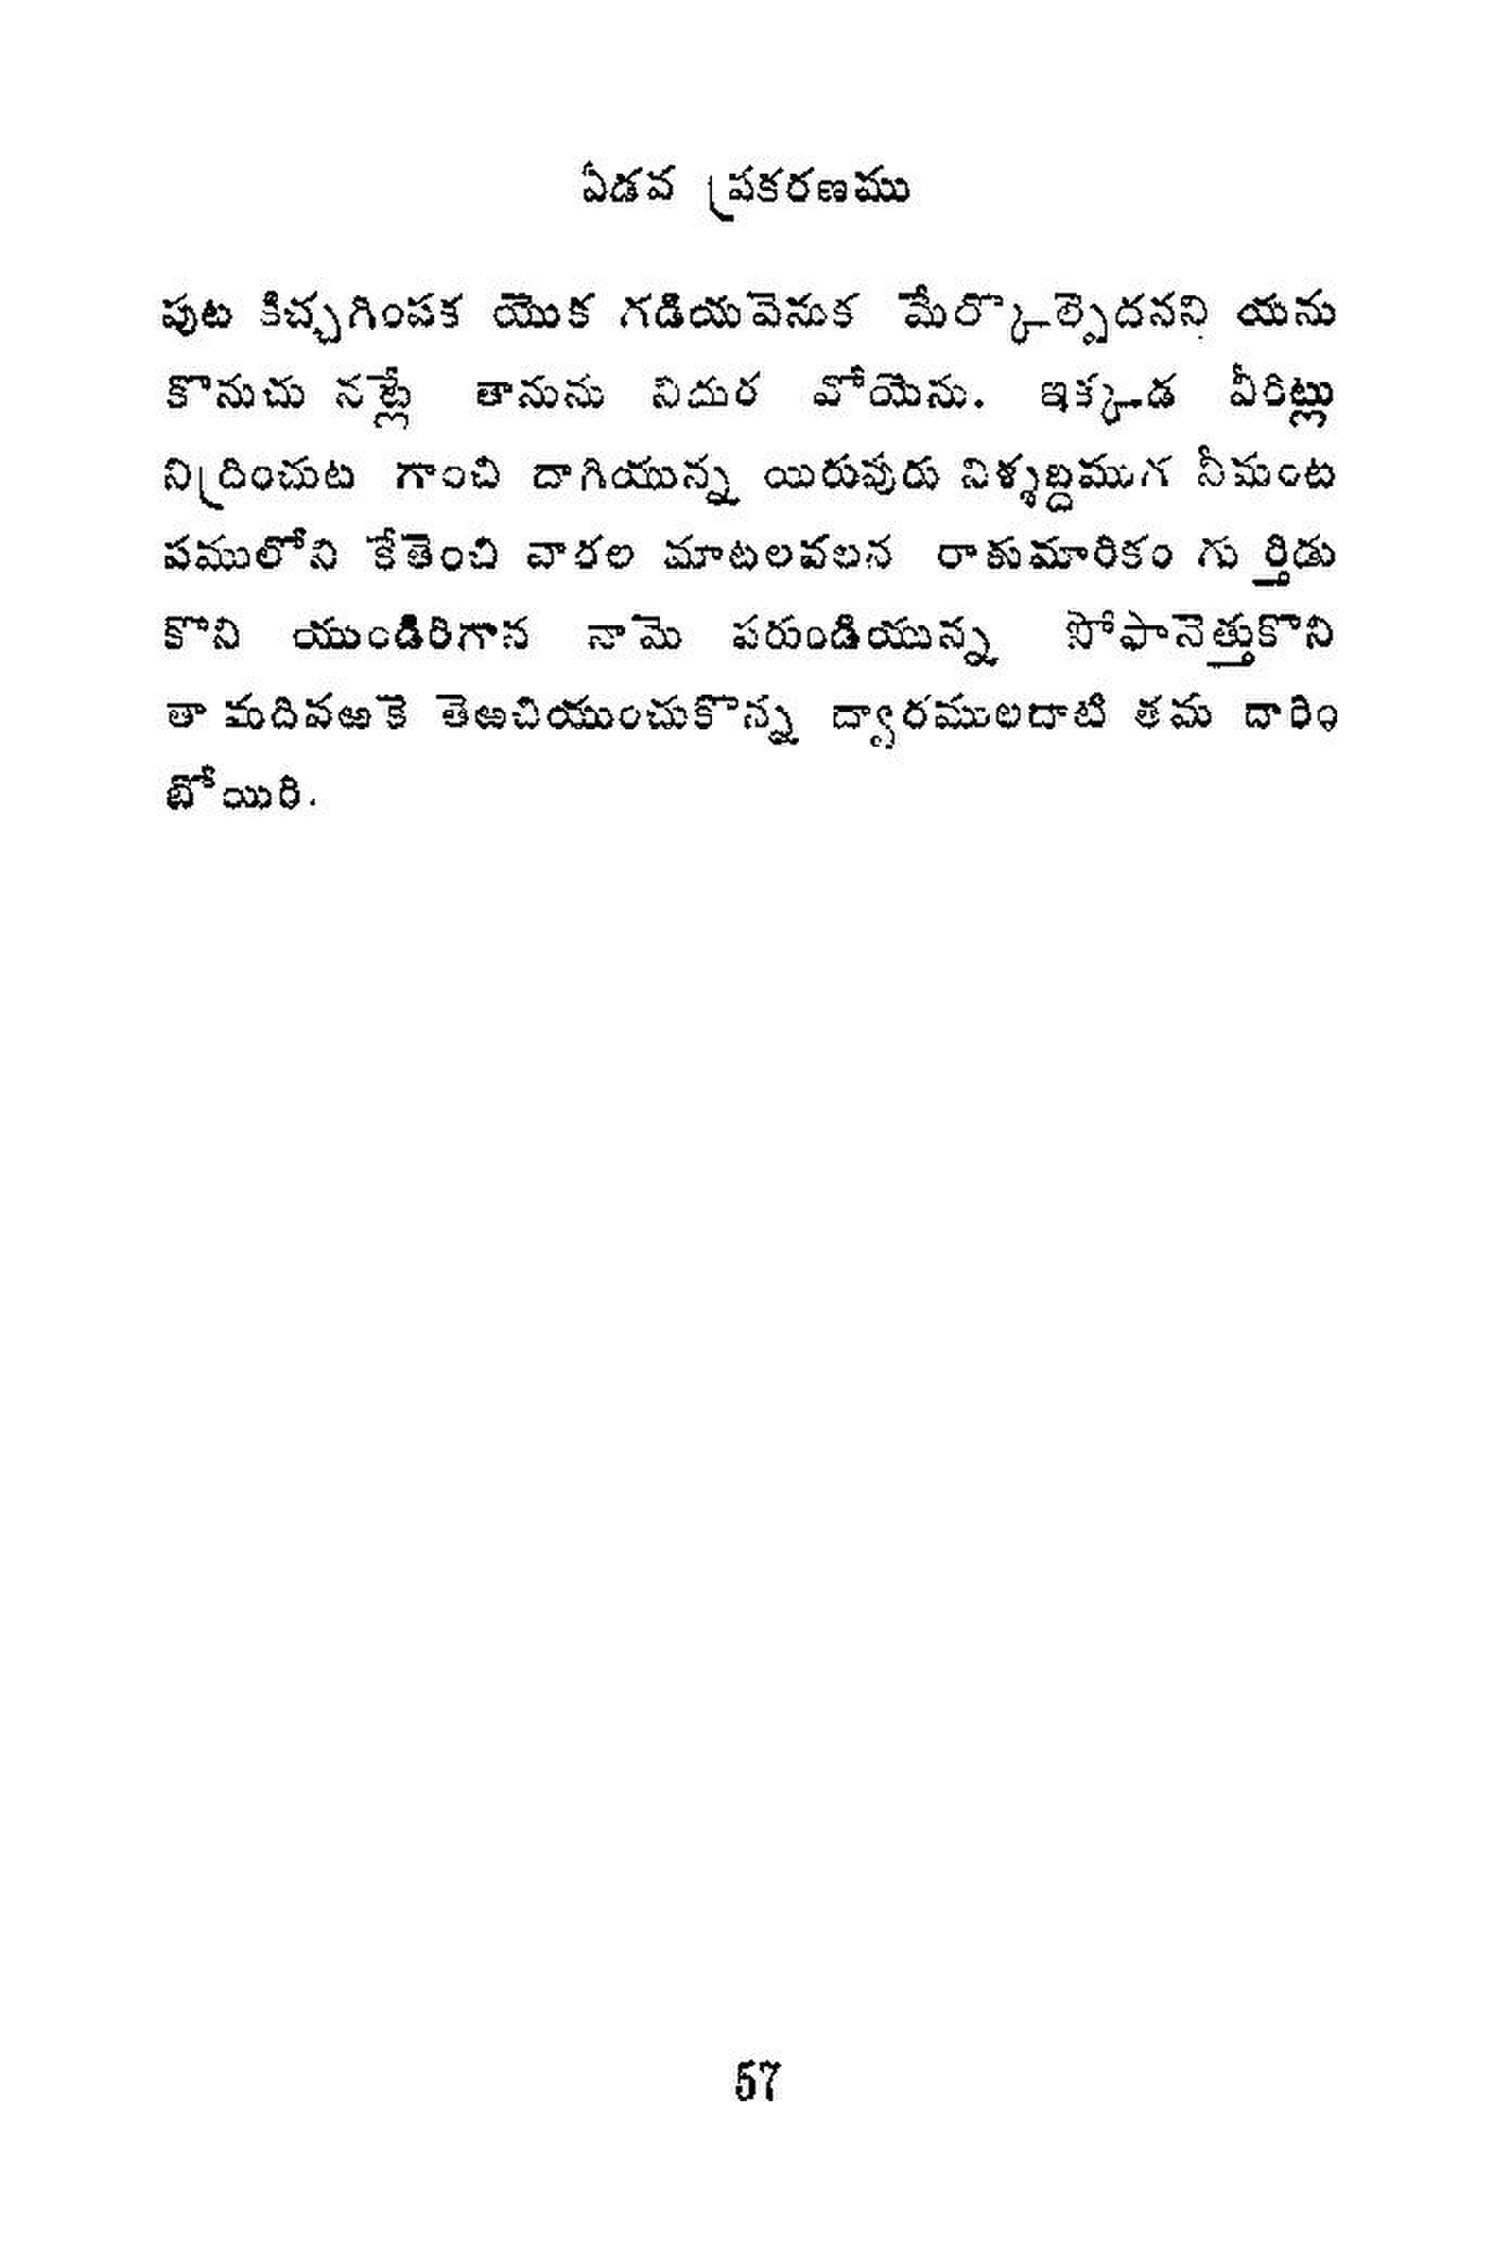పుట కిచ్చగింపక యొక గడియవెనుక మేల్కొ ల్పెదనని యనుకొనుచు నట్లే తానును నిదుర వోయెను. ఇక్కడ వీరిట్లు నిద్రించుట గాంచి దాగియున్న యిరువురు నిశ్శబ్దముగ నీ మంటపములోని కేతెంచి వారల మాటలవలన రాకుమారికం గుర్తిడుకొని యుండిరిగాన నామె పరుండియున్న సోఫానెత్తుకొని తా మదివఱకె తెఱచియుంచుకొన్న ద్వారములదాటి తమ దారిం బోయిరి.